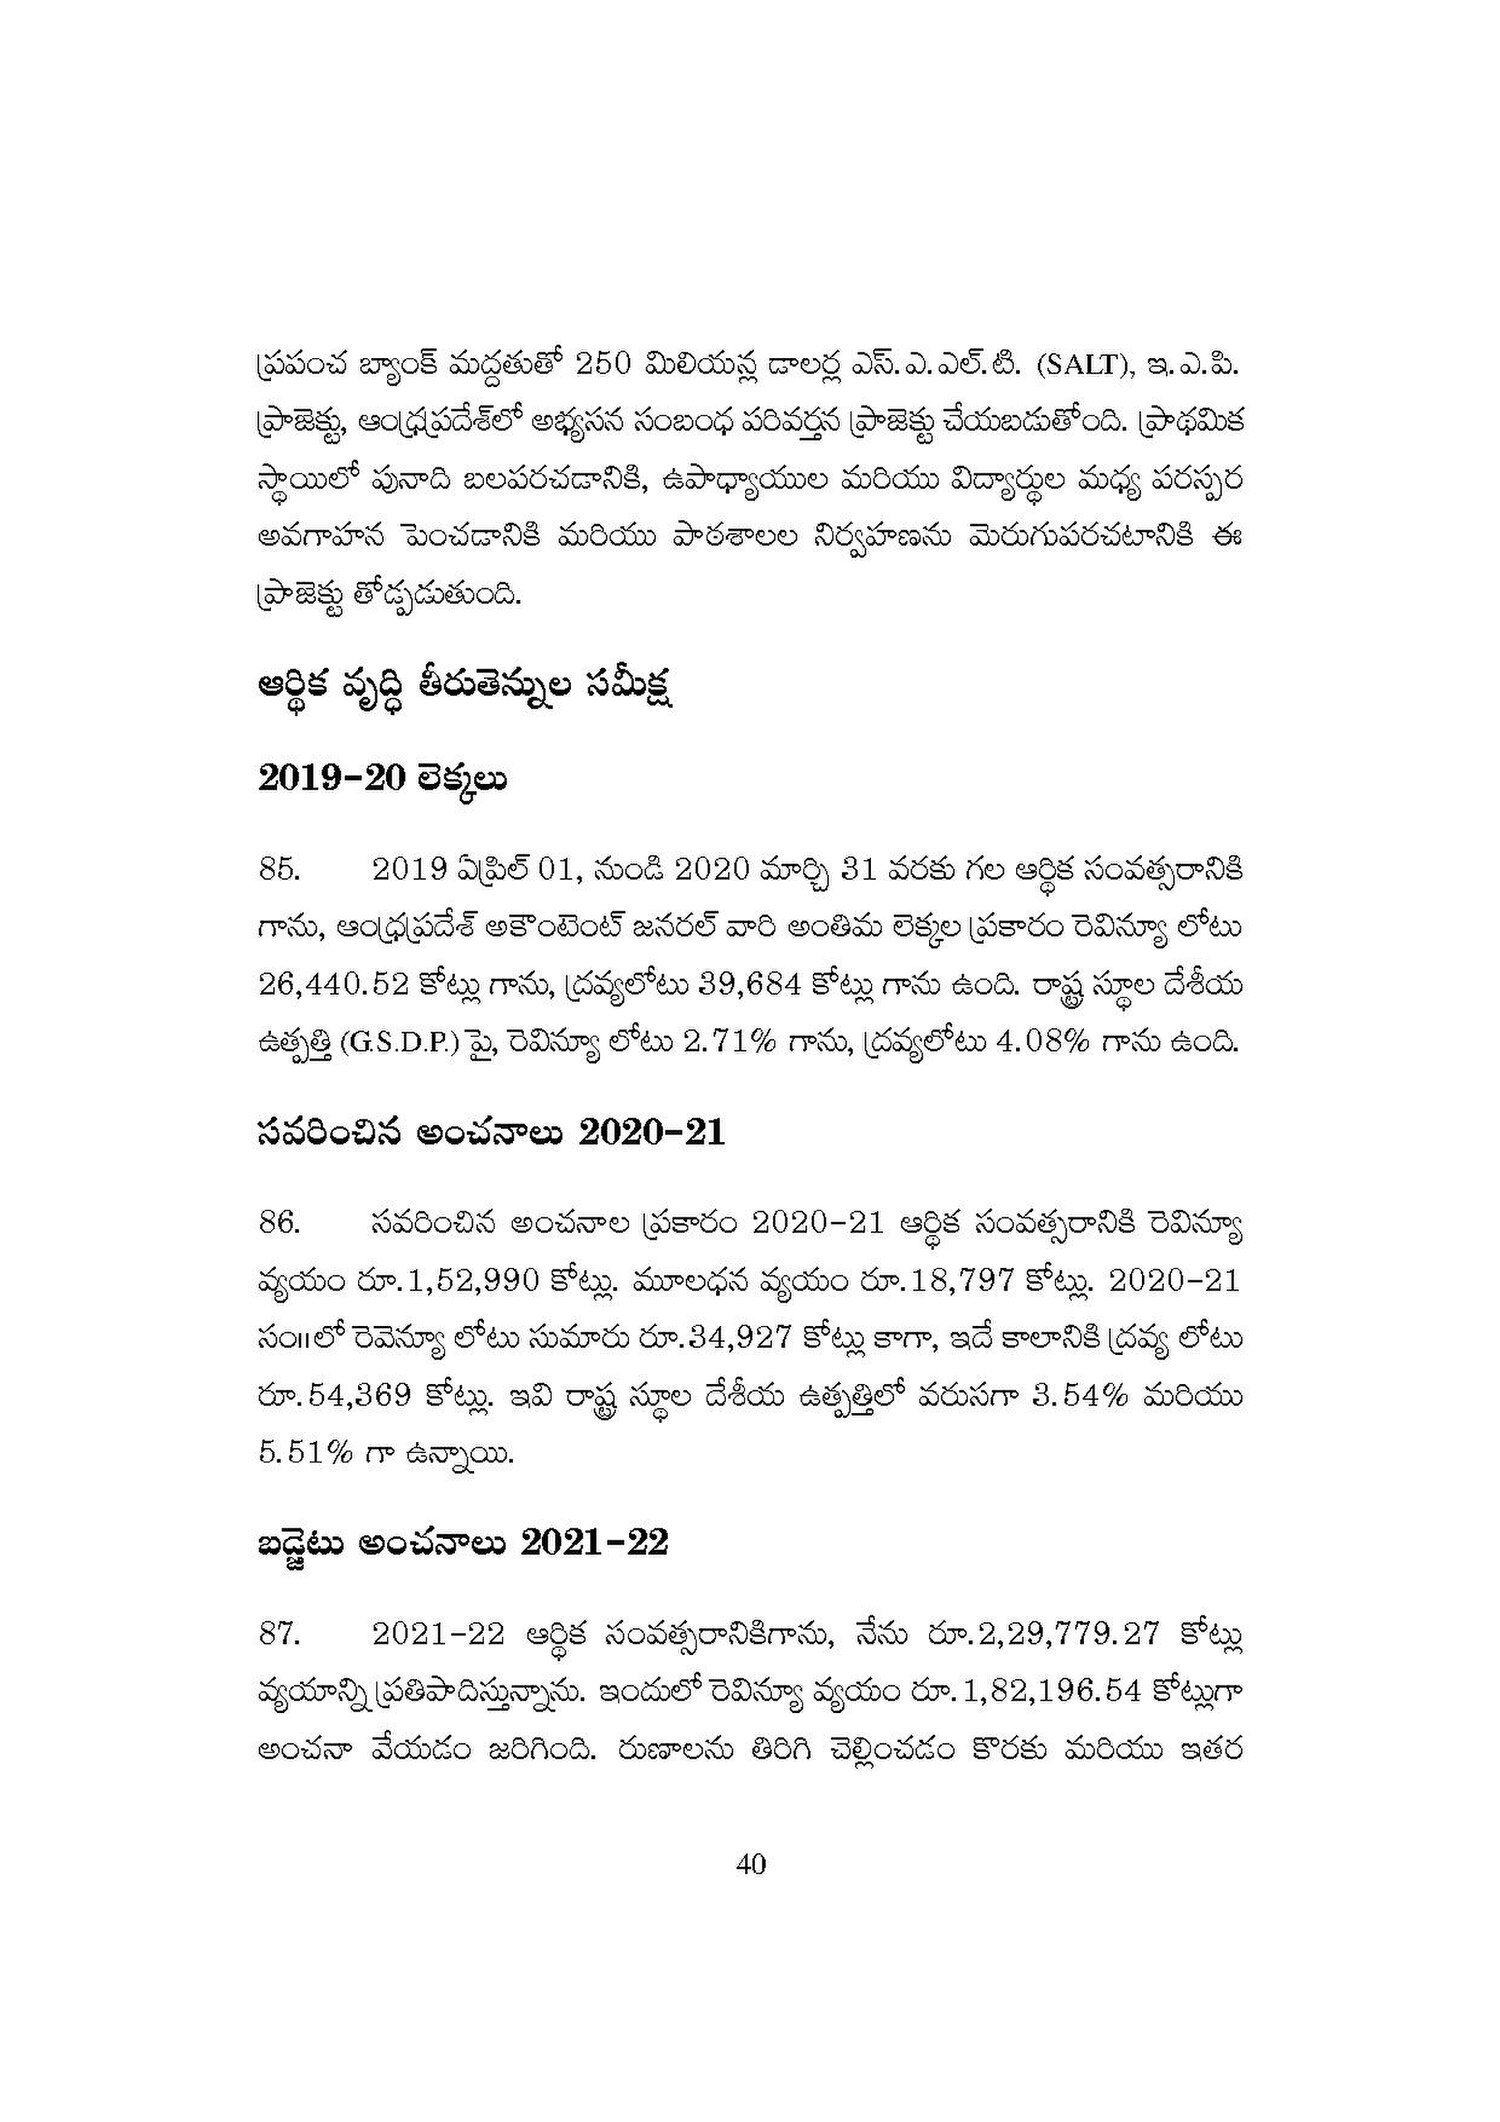ప్రపంచ బ్యాంక్ మద్దతుతో 250 మిలియన్ల డాలర్ల ఎస్.ఎ.ఎల్.టి. (SALT), ఇ. ఎ.పి.
ప్రాజెక్టు, ఆంధ్రప్రదేశ్ లో అభ్యసన సంబంధ పరివర్తన ప్రాజెక్టు చేయబడుతోంది. ప్రాథమిక
స్థాయిలో పునాది బలపరచడానికి, ఉపాధ్యాయుల మరియు విద్యార్థుల మధ్య పరస్పర
అవగాహన పెంచడానికి మరియు పాఠశాలల నిర్వహణను మెరుగుపరచటానికి ఈ
ప్రాజెక్టు తోడ్పడుతుంది.

ఆర్థిక వృద్ధి తీరుతెన్నుల సమీక్ష

2019-20 లెక్కలు

85. 2019 ఏప్రిల్ 01, నుండి 2020 మార్చి 31 వరకు గల ఆర్థిక సంవత్సరానికి
గాను, ఆంధ్రప్రదేశ్ అకౌంటెంట్ జనరల్ వారి అంతిమ లెక్కల ప్రకారం రెవిన్యూ లోటు
26,440.52 కోట్లు గాను, ద్రవ్యలోటు 39,684 కోట్లు గాను ఉంది. రాష్ట్ర స్థూల దేశీయ
ఉత్పత్తి (G.S.D.P) పై, రెవిన్యూ లోటు 2.71% గాను, ద్రవ్యలోటు 4.08% గాను ఉంది.

సవరించిన అంచనాలు 2020-21

86. సవరించిన అంచనాల ప్రకారం 2020-21 ఆర్థిక సంవత్సరానికి రెవిన్యూ
వ్యయం రూ.1,52,990 కోట్లు. మూలధన వ్యయం రూ.18,797 కోట్లు. 2020-21
సం॥లో రెవెన్యూ లోటు సుమారు రూ.34,927 కోట్లు కాగా, ఇదే కాలానికి ద్రవ్య లోటు
రూ. 54,369 కోట్లు. ఇవి రాష్ట్ర స్థూల దేశీయ ఉత్పత్తిలో వరుసగా 3.54% మరియు
5.51% గా ఉన్నాయి.

బడ్జెటు అంచనాలు 2021-22

87. 2021-22 ఆర్థిక సంవత్సరానికిగాను, నేను రూ.2,29,779.27 కోట్లు
వ్యయాన్ని ప్రతిపాదిస్తున్నాను. ఇందులో రెవిన్యూ వ్యయం రూ.1,82,196.54 కోట్లుగా
అంచనా వేయడం జరిగింది. రుణాలను తిరిగి చెల్లించడం కొరకు మరియు ఇతర